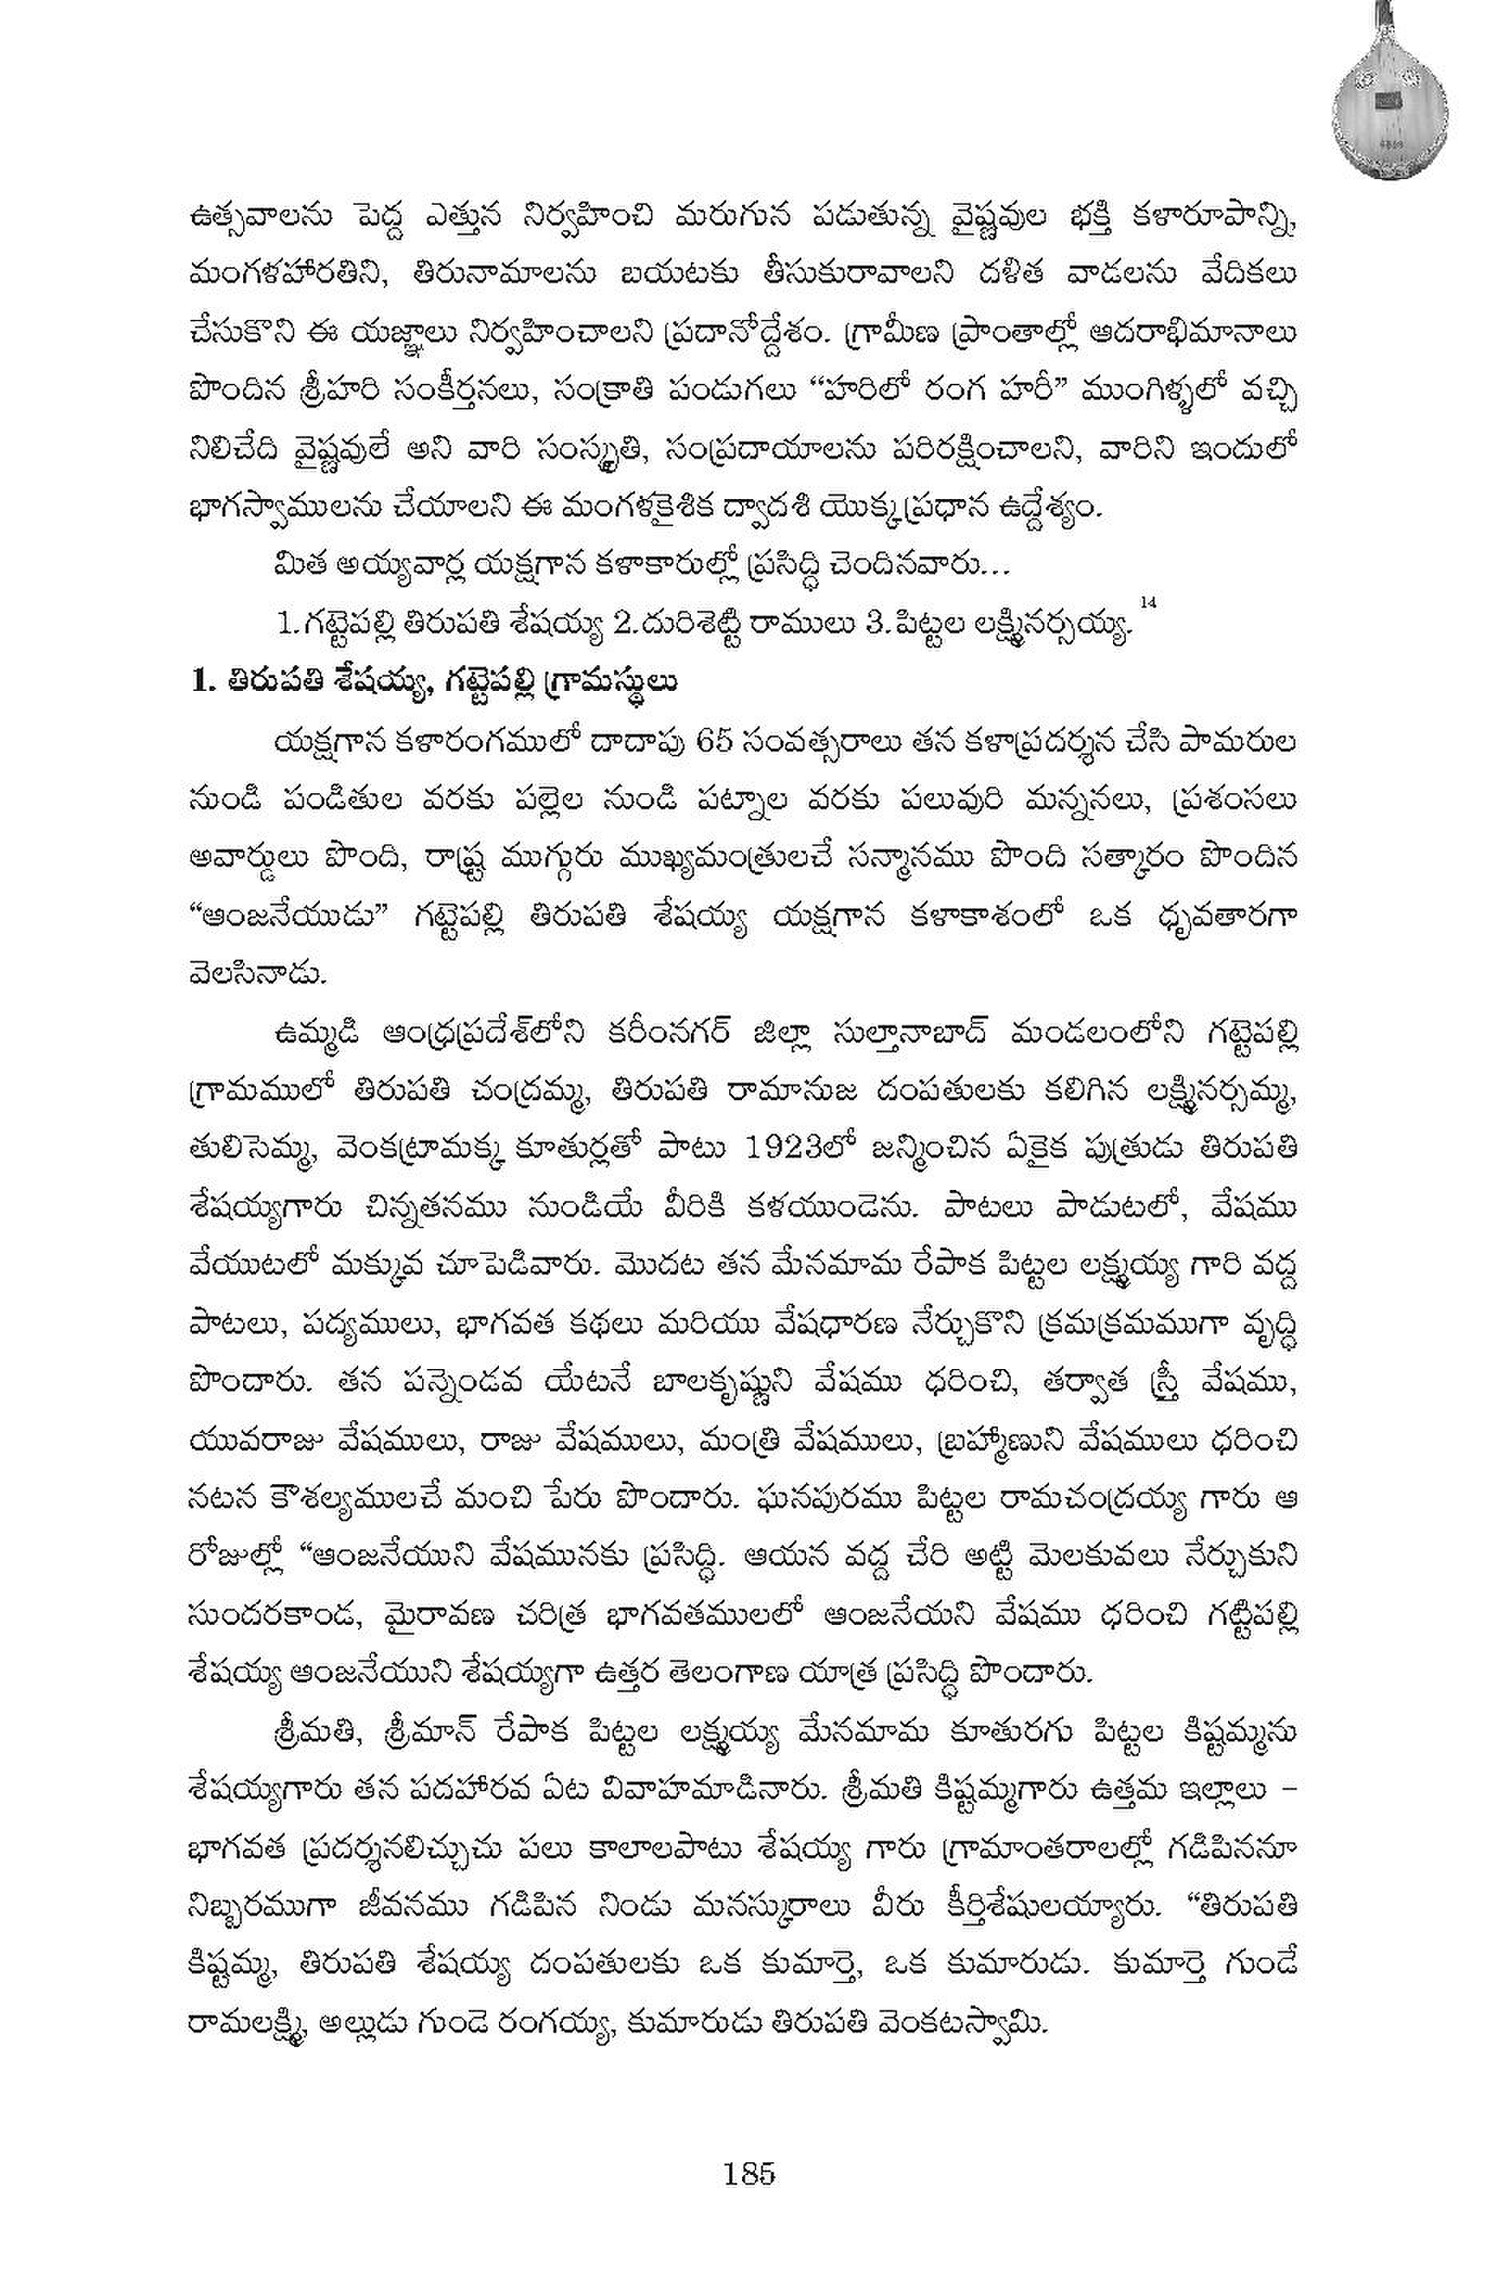ఉత్సవాలను పెద్ద ఎత్తున నిర్వహించి మరుగున పడుతున్న వైష్ణవుల భక్తి కళారూపాన్ని, మంగళహారతిని, తిరునామాలను బయటకు తీసుకురావాలని దళిత వాడలను వేదికలుచేసుకొని ఈ యజ్ఞాలు నిర్వహించాలని ప్రదానోద్దేశం. గ్రామీణ ప్రాంతాల్లో ఆదరాభిమానాలుపొందిన శ్రీహరి సంకీర్తనలు, సంక్రాతి పండుగలు “హరిలో రంగ హరీ" ముంగిళ్ళలో వచ్చి
నిలిచేది వైష్ణవులే అని వారి సంస్కృతి, సంప్రదాయాలను పరిరక్షించాలని, వారిని ఇందులో భాగస్వాములను చేయాలని ఈ మంగళకైశిక ద్వాదశి యొక్క ప్రధాన ఉద్దేశ్యం.

మిత అయ్యవార్ల యక్షగాన కళాకారుల్లో ప్రసిద్ధి చెందినవారు...

1.గట్టెపల్లి తిరుపతి శేషయ్య 2. దురిశెట్టి రాములు 3. పిట్టల లక్ష్మి నర్సయ్య..

1. తిరుపతి శేషయ్య, గట్టెపల్లి గ్రామస్థులు 

యక్షగాన కళారంగములో దాదాపు 65 సంవత్సరాలు తన కళాప్రదర్శన చేసి పామరుల నుండి పండితుల వరకు పల్లెల నుండి పట్నాల వరకు పలువురి మన్ననలు, ప్రశంసలు అవార్డులు పొంది, రాష్ట్ర ముగ్గురు ముఖ్యమంత్రులచే సన్మానము పొంది సత్కారం పొందిన "ఆంజనేయుడు" గట్టెపల్లి తిరుపతి శేషయ్య యక్షగాన కళాకాశంలో ఒక ధృవతారగా
వెలసినాడు.

ఉమ్మడి ఆంధ్రప్రదేశ్లోని కరీంనగర్ జిల్లా సుల్తానాబాద్ మండలంలోని గట్టెపల్లి గ్రామములో తిరుపతి చంద్రమ్మ, తిరుపతి రామానుజ దంపతులకు కలిగిన లక్ష్మినర్సమ్మ, తులిసెమ్మ, వెంకట్రామక్క కూతుర్లతో పాటు 1923లో జన్మించిన ఏకైక పుత్రుడు తిరుపతి శేషయ్యగారు చిన్నతనము నుండియే వీరికి కళయుండెను. పాటలు పాడుటలో, వేషము వేయుటలో మక్కువ చూపెడివారు. మొదట తన మేనమామ రేపాక పిట్టల లక్ష్మయ్య గారి వద్ద పాటలు, పద్యములు, భాగవత కథలు మరియు వేషధారణ నేర్చుకొని క్రమక్రమముగా వృద్ధిపొందారు. తన పన్నెండవ యేటనే బాలకృష్ణుని వేషము ధరించి, తర్వాత స్త్రీ వేషము,యువరాజు వేషములు, రాజు వేషములు, మంత్రి వేషములు, బ్రహ్మాణుని వేషములు ధరించి
నటన కౌశల్యములచే మంచి పేరు పొందారు. ఘనపురము పిట్టల రామచంద్రయ్య గారు ఆరోజుల్లో "ఆంజనేయుని వేషమునకు ప్రసిద్ది. ఆయన వద్ద చేరి అట్టి మెలకువలు నేర్చుకునిసుందరకాండ, మైరావణ చరిత్ర భాగవతములలో ఆంజనేయని వేషము ధరించి గట్టిపల్లిశేషయ్య ఆంజనేయుని శేషయ్యగా ఉత్తర తెలంగాణ యాత్ర ప్రసిద్ధి పొందారు.

శ్రీమతి, శ్రీమాన్ రేపాక పిట్టల లక్ష్మయ్య మేనమామ కూతురగు పిట్టల కిష్టమ్మనుశేషయ్యగారు తన పదహారవ ఏట వివాహమాడినారు. శ్రీమతి కిష్టమ్మగారు ఉత్తమ ఇల్లాలు భాగవత ప్రదర్శనలిచ్చుచు పలు కాలాలపాటు శేషయ్య గారు గ్రామాంతరాలల్లో గడిపిననూ నిబ్బరముగా జీవనము గడిపిన నిండు మనస్కురాలు వీరు కీర్తిశేషులయ్యారు. "తిరుపతి
కిష్టమ్మ, తిరుపతి శేషయ్య దంపతులకు ఒక కుమార్తె, ఒక కుమారుడు. కుమార్తె గుండేరామలక్ష్మి, అల్లుడు గుండె రంగయ్య, కుమారుడు తిరుపతి వెంకటస్వామి.